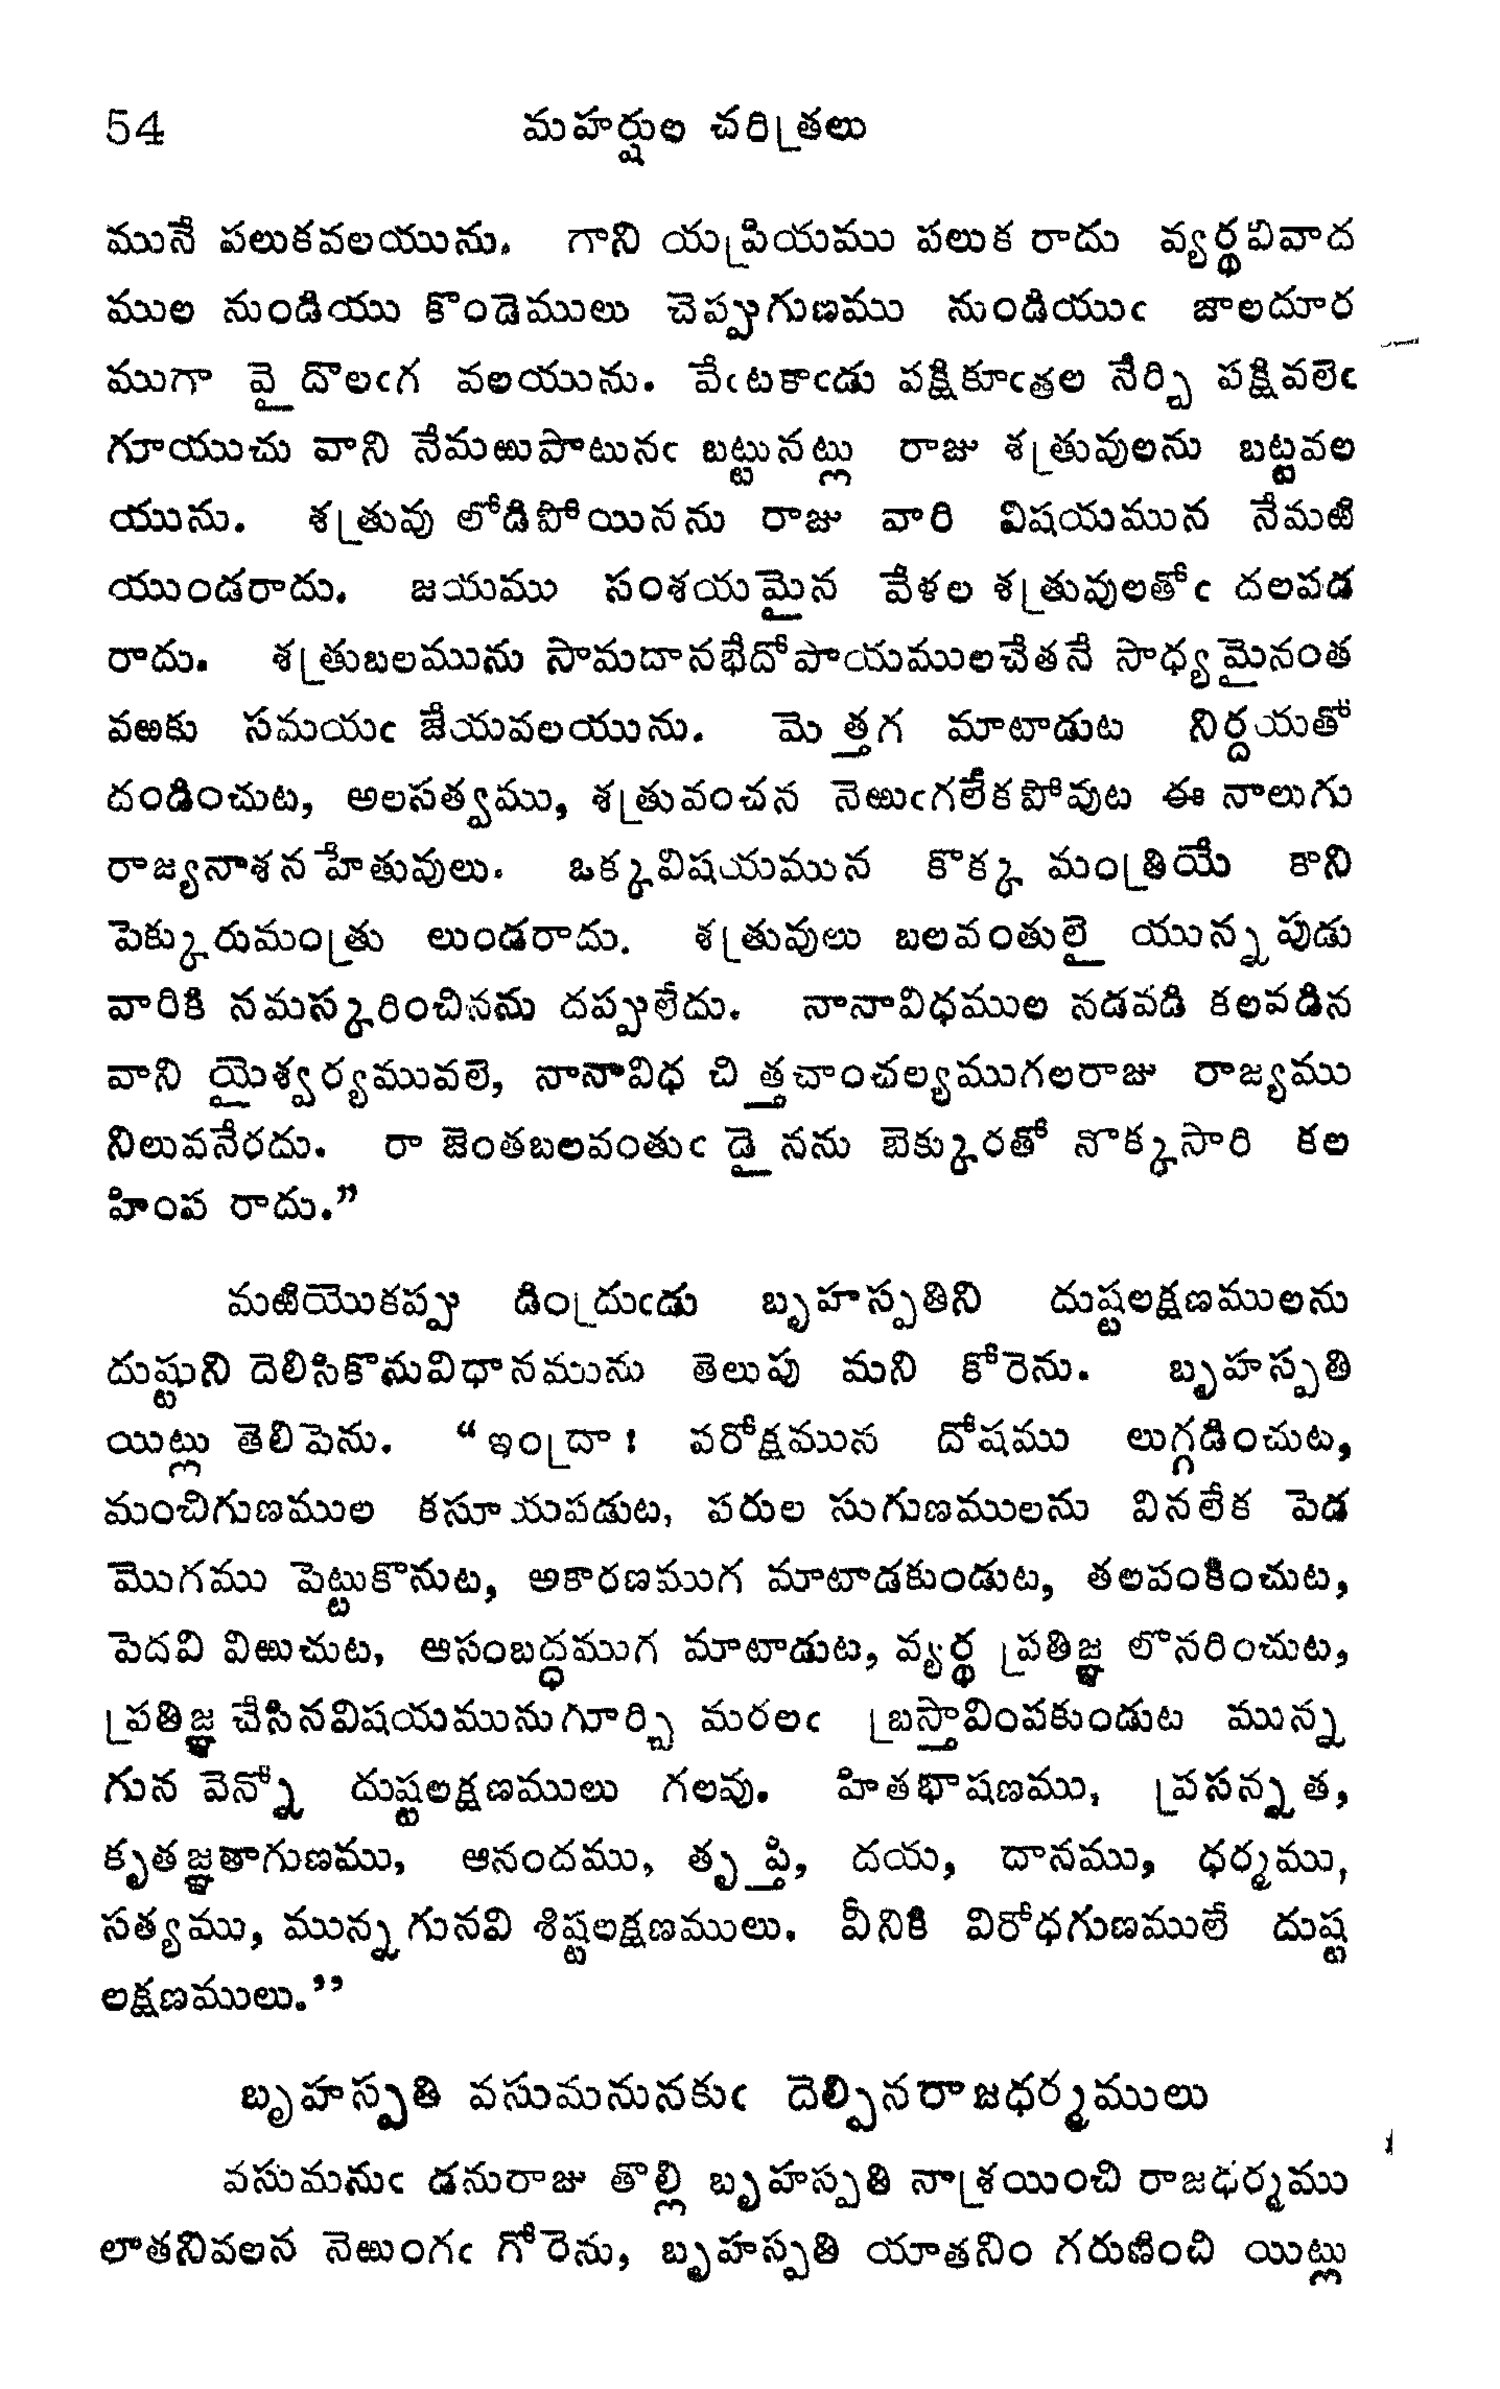మునే పలుకవలయును. గాని యప్రియము పలుక రాదు వ్యర్థవివాదముల నుండియు కొండెములు చెప్పుగుణము నుండియుఁ జాలదూరముగా వైదొలఁగ వలయును. వేఁటకాఁడు పక్షికూఁతల నేర్చి పక్షివలెఁ గూయుచు వాని నేమఱుపాటునఁ బట్టునట్లు రాజు శత్రువులను బట్టవలయును. శత్రువు లోడిపోయినను రాజు వారి విషయమున నేమఱి
యుండరాదు. జయము సంశయమైన వేళల శత్రువులతోఁ దలపడరాదు. శత్రుబలమును సామదాన భేదోపాయములచేతనే సాధ్యమైనంత వఱకు సమయఁ జేయవలయును. మెత్తగ మాటాడుట నిర్దయతో దండించుట, అలసత్వము, శత్రువంచన నెఱుఁగలేకపోవుట ఈ నాలుగు రాజ్యనాశన హేతువులు. ఒక్కవిషయమున కొక్క మంత్రియే కాని పెక్కురుమంత్రు లుండరాదు. శత్రువులు బలవంతులై యున్నపుడు వారికి నమస్కరించినను దప్పులేదు. నానావిధముల నడవడి కలవడిన వాని యైశ్వర్యమువలె, నానావిధ చిత్తచాంచల్యముగలరాజు రాజ్యము నిలువనేరదు. రా జెంతబలవంతుఁ డై నను బెక్కురతో నొక్కసారి కలహింప రాదు."

మఱియొకప్పు డింద్రుఁడు బృహస్పతిని దుష్టలక్షణములను దుష్టుని దెలిసికొనువిధానమును తెలుపు మని కోరెను. బృహస్పతి యిట్లు తెలిపెను. "ఇంద్రా! పరోక్షమున దోషము లుగ్గడించుట, మంచిగుణముల కసూయపడుట, పరుల సుగుణములను వినలేక పెడమొగము పెట్టుకొనుట, అకారణముగ మాటాడకుండుట, తలపంకించుట, పెదవి విఱుచుట, ఆసంబద్ధముగ మాటాడుట, వ్యర్థ ప్రతిజ్ఞ లొనరించుట, ప్రతిజ్ఞ చేసిన విషయమును గూర్చి మరలఁ బ్రస్తావింపకుండుట మున్నగున వెన్నో దుష్టలక్షణములు గలవు. హితభాషణము, ప్రసన్నత, కృతజ్ఞతాగుణము, ఆనందము, తృప్తి, దయ, దానము, ధర్మము, సత్యము, మున్నగునవి శిష్టలక్షణములు. వీనికి విరోధగుణములే దుష్ట లక్షణములు."

బృహస్పతి వసుమనునకుఁ దెల్పిన రాజధర్మములు

వసుమనుఁ డనురాజు తొల్లి బృహస్పతి నాశ్రయించి రాజధర్మము లాతనివలన నెఱుంగఁ గోరెను, బృహస్పతి యాతనిం గరుణించి యిట్లు